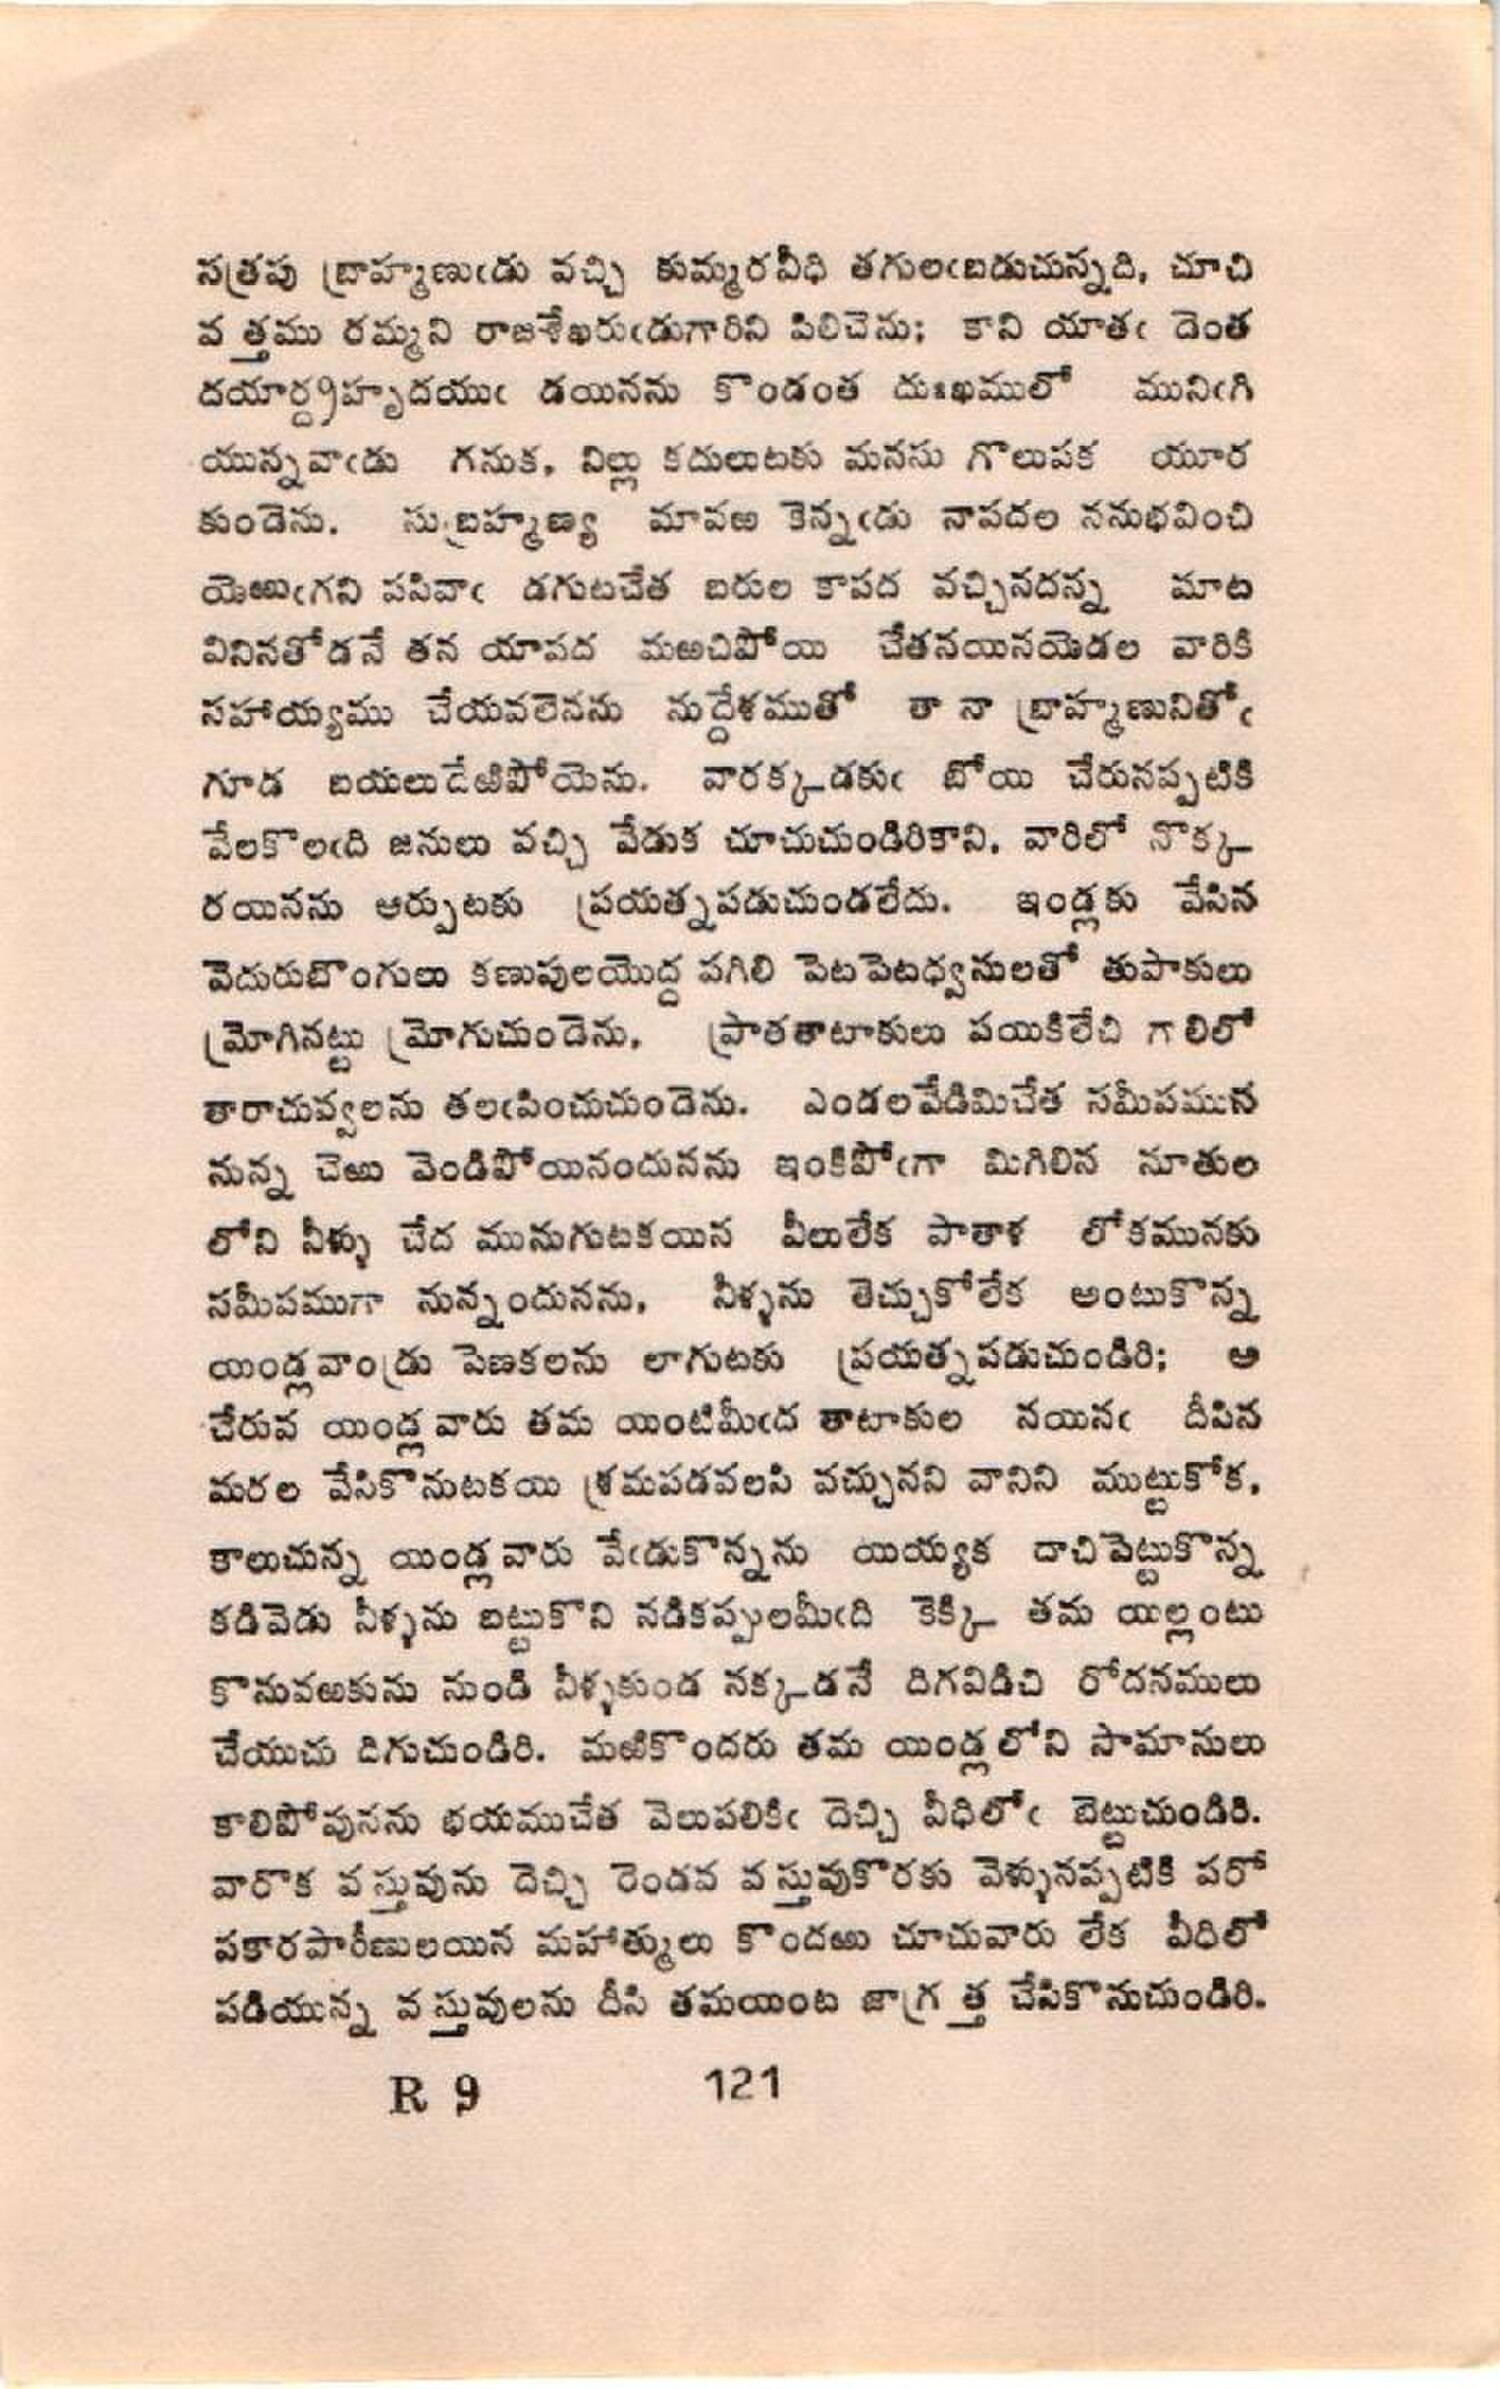సత్రపు బ్రాహ్మణుఁడు వచ్చి కుమ్మరవీధి తగులఁబడుచున్నది, చూచి వత్తము రమ్మని రాజశేఖరుఁడుగారిని పిలిచెను; కాని యాతఁ డెంత దయార్ద్ర హృదయుఁ డయినను కొండంత దుఃఖములో మునిఁగి యున్నవాఁడు గనుక, నిల్లు కదులుటకు మనసు గొలుపక యూర కుండెను. సుబ్రహ్మణ్య మావఱ కెన్నఁడు నాపదల ననుభవించి యొఱుఁగని పసివాఁ డగుటచేత బరుల కాపద వచ్చినదన్న మాట వినినతోడనే తన యాపద మఱచిపోయి చేతనయిన యెడల వారికి సహాయ్యము చేయవలెనను నుద్దేశముతో తా నా బ్రాహ్మణునితోఁ గూడ బయలుదేఱిపోయెను. వారక్కడకుఁ బోయి చేరునప్పటికి వేలకొలఁది జనులు వచ్చి వేడుక చూచుచుండిరికాని, వారిలో నొక్క రయినను ఆర్పుటకు ప్రయత్నపడుచుండలేదు. ఇండ్లకు వేసిన వెదురుబొంగులు కణుపులయెద్ద పగిలి పెటపెటధ్వనులతో తుపాకులు మ్రోగినట్టు మ్రోగుచుండెను, ప్రాతతాటాకులు పయికిలేచి గాలిలో తారాచువ్వలను తలఁపించుచుండెను. ఎండల వేడిమిచేత సమీపమున నున్న చెఱు వెండిపోయినందునను ఇంకిపోఁగా మిగిలిన నూతల లోని నీళ్ళు చేద మునుగుటకయిన వీలులేక పాతాళ లోకమునకు సమీపముగా నున్నందునను, నీళ్ళను తెచ్చుకోలేక అంటుకొన్న యిండ్లవాండ్రు పెణకలను లాగుటకు ప్రయత్నపడుచుండిరి; ఆ చేరువ యిండ్ల వారు తమ యింటిమీఁద తాటాకుల నయినఁ దీసిన మరల వేసికొనుటకయి శ్రమపడవలసి వచ్చునని వానిని ముట్టుకోక, కాలుచున్న యిండ్ల వారు వేడుకొన్నను యియ్యక దాచిపెట్టుకొన్న కడివెడు నీళ్ళను బట్టుకొని నడికప్పులమీఁది కెక్కి తమ యిల్లంటు కొనువఱకును నుండి నీళ్ళకుండ నక్కడనే దిగవిడిచి రోదనములు చేయుచు దిగుచుండిరి. మఱికొందరు తమ యిండ్లలోని సామానులు కాలిపోవునను భయముచేత వెలుపలికిఁ దెచ్చి వీధిలోఁ బెట్టుచుండిరి. వారొక వస్తువును దెచ్చి రెండవ వస్తువుకొరకు వెళ్ళునప్పటికి పరో పకారపారీణులయిన మహాత్ములు కొందఱు చూచువారు లేక వీధిలో పడియున్న వస్తువులను దీసి తమయింట జాగ్రత్త చేసికొనుచుండిరి.